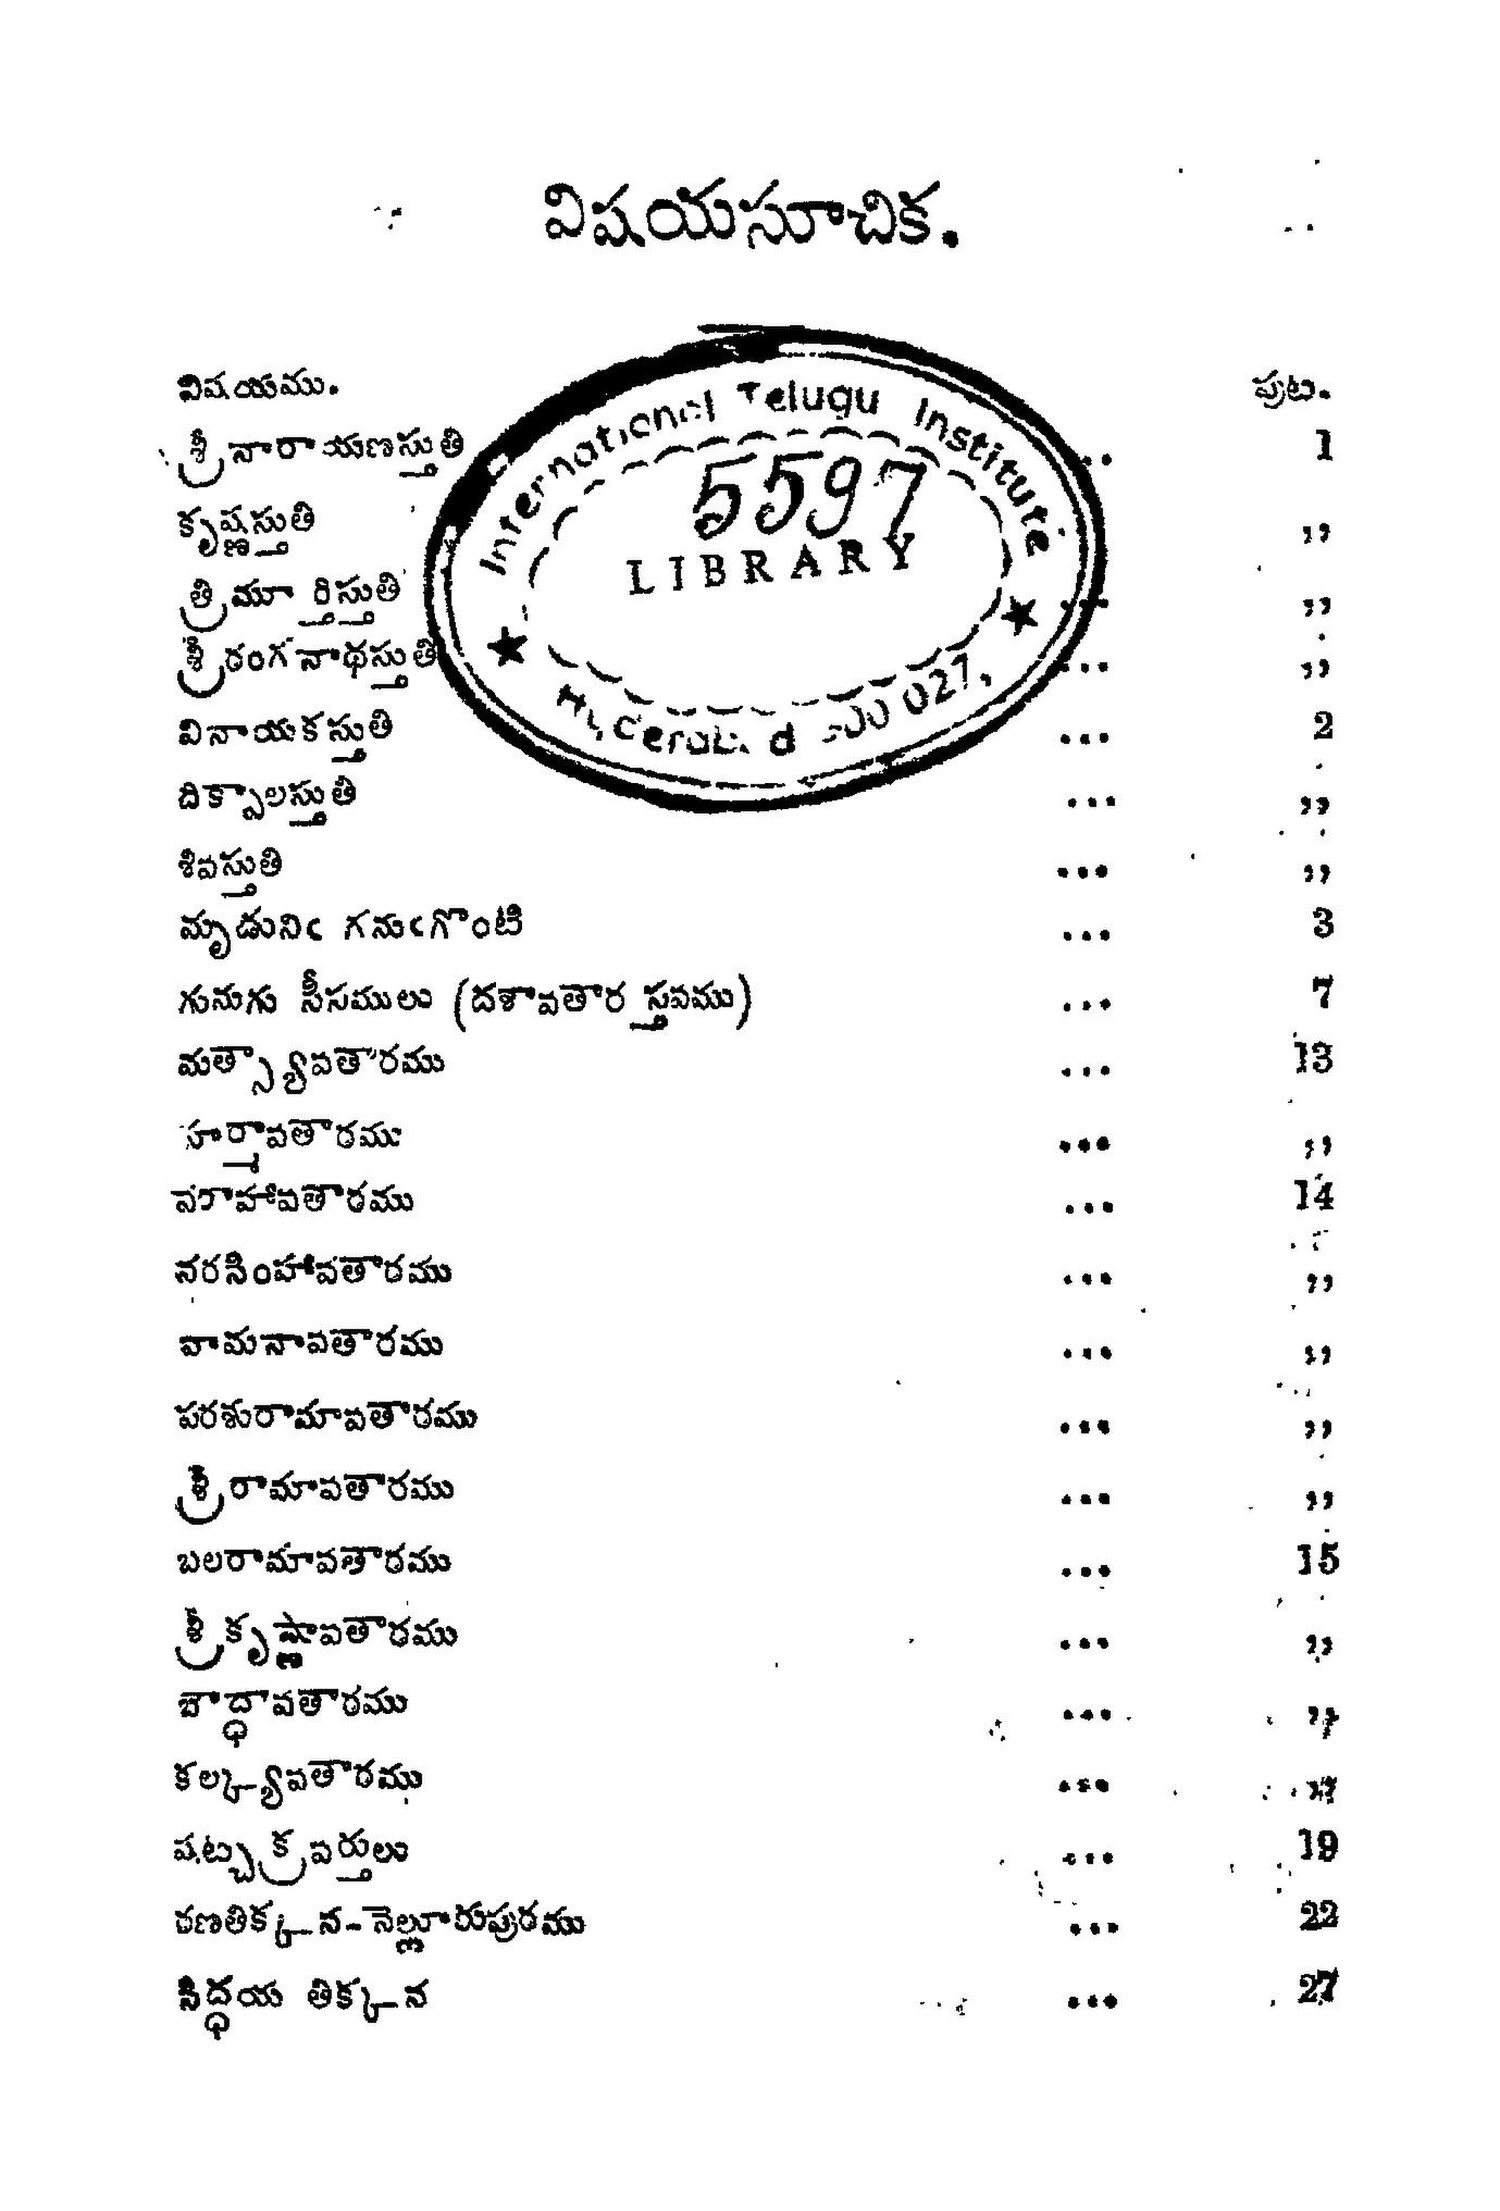వినాయకస్తుతి

దిక్పాలస్తుతి

శివస్తుతి

మృడుని గనుగొంటి

గునుగు సీసములు (దశావతార స్తవము)

మత్స్యావతారము

కూర్మావతారము

వరాహావతారము

నరసింహావతారము

వామనావతారము

పరశురామావతారము

శ్రీరామావతారము

బలరామావతారము

శ్రీకృష్ణావతారము

బౌద్ధావతారము

కల్క్యవతారము

షట్చక్రవర్తులు

రణతిక్కన-నెల్లూరుపురము

సిద్ధయ తిక్కన